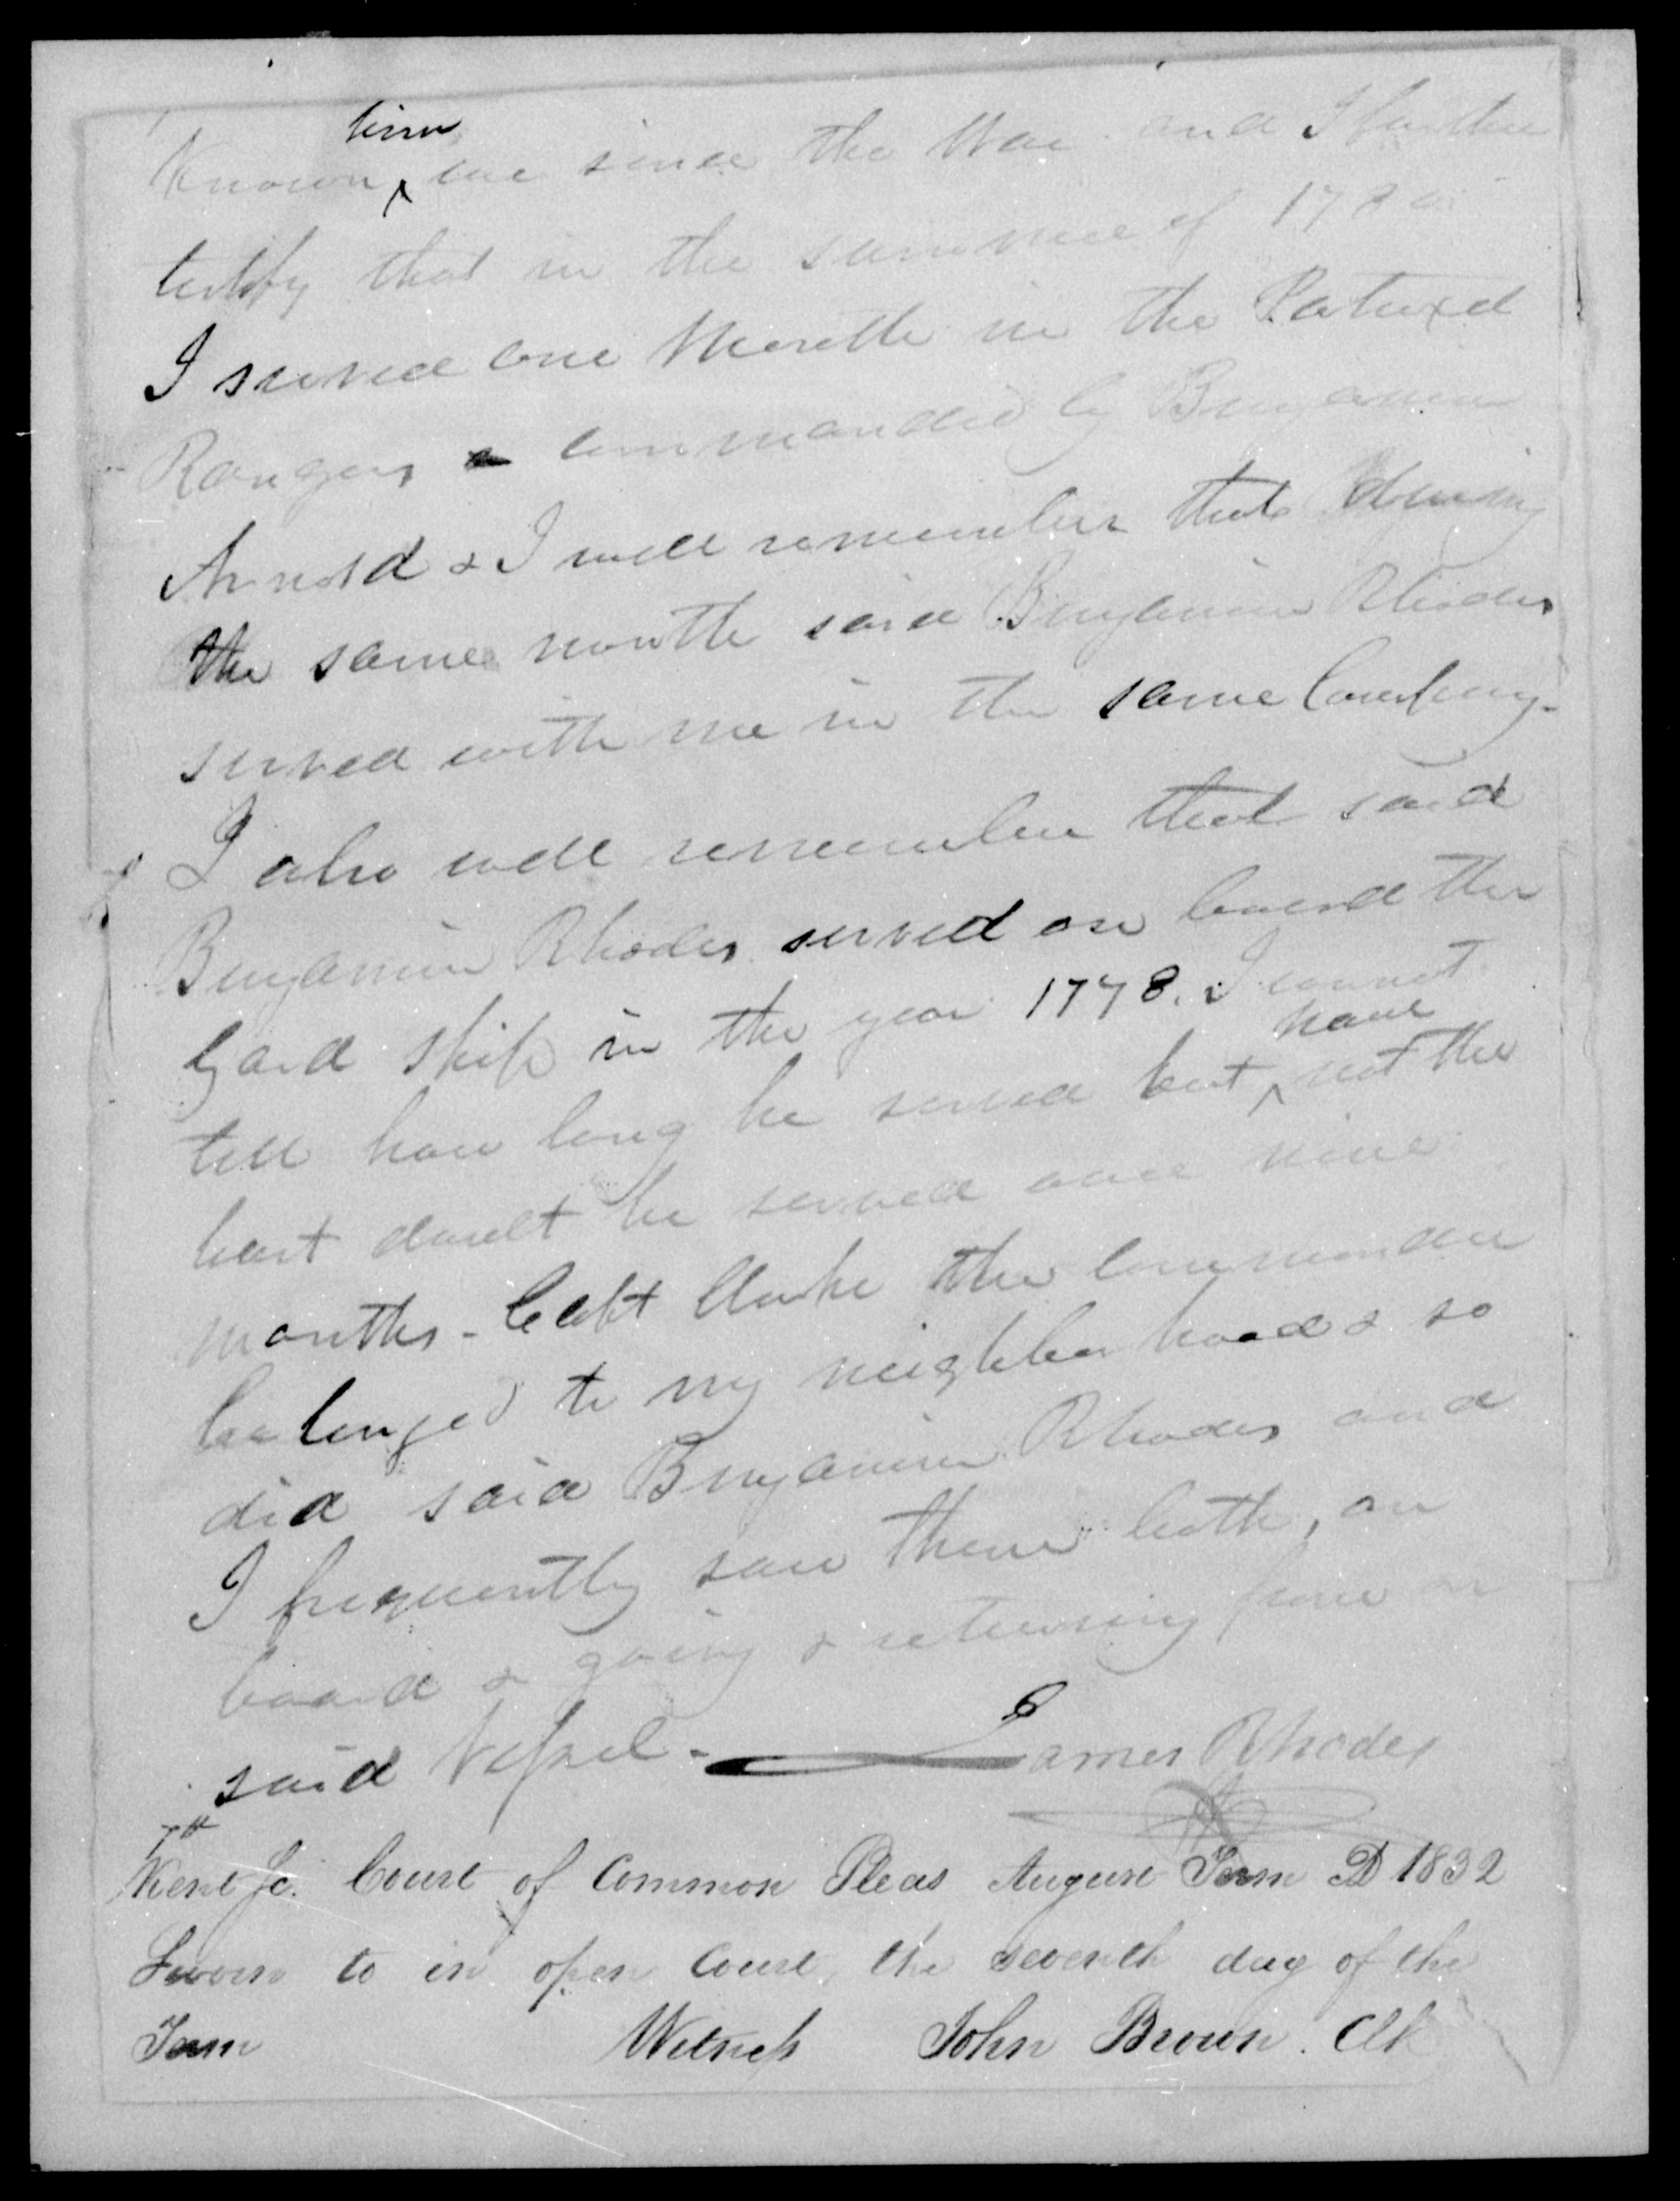known him we since the war
and I further certify that in the summer of 1780
I served one Month in the Patuxet
Rangers commanded by Benjamin Arnold & I
well remember that during the
same month said Benjamin Rhodes
served with me in the same Company.
I who well remember that said
Benjamin Rhodes served on board the
have guard ship in the year 1778 I cannot
tell how long he served but have not the
least doubt he served was nine
months Capt Clarke the commander
belonged to my neighborhood so
did said Benjamin Rhodes and
I frequently saw them both on
board a going & returning home in
said Vessel James Rhodes
Kent Jc.
Court of Common Pleas August Term AD 1832
to in open Court, the seventh day of the term
Witness
John Brown Clk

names: [BLANK] Clarke; Benjamin Rhodes; Benjamin Rhodes; Benjamin Arnold; John Brown; James Rhodes; Benjamin Rhodes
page: 43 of 50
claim: widow's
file: W. 22058, for Benjamin Rhodes, Rhode Island